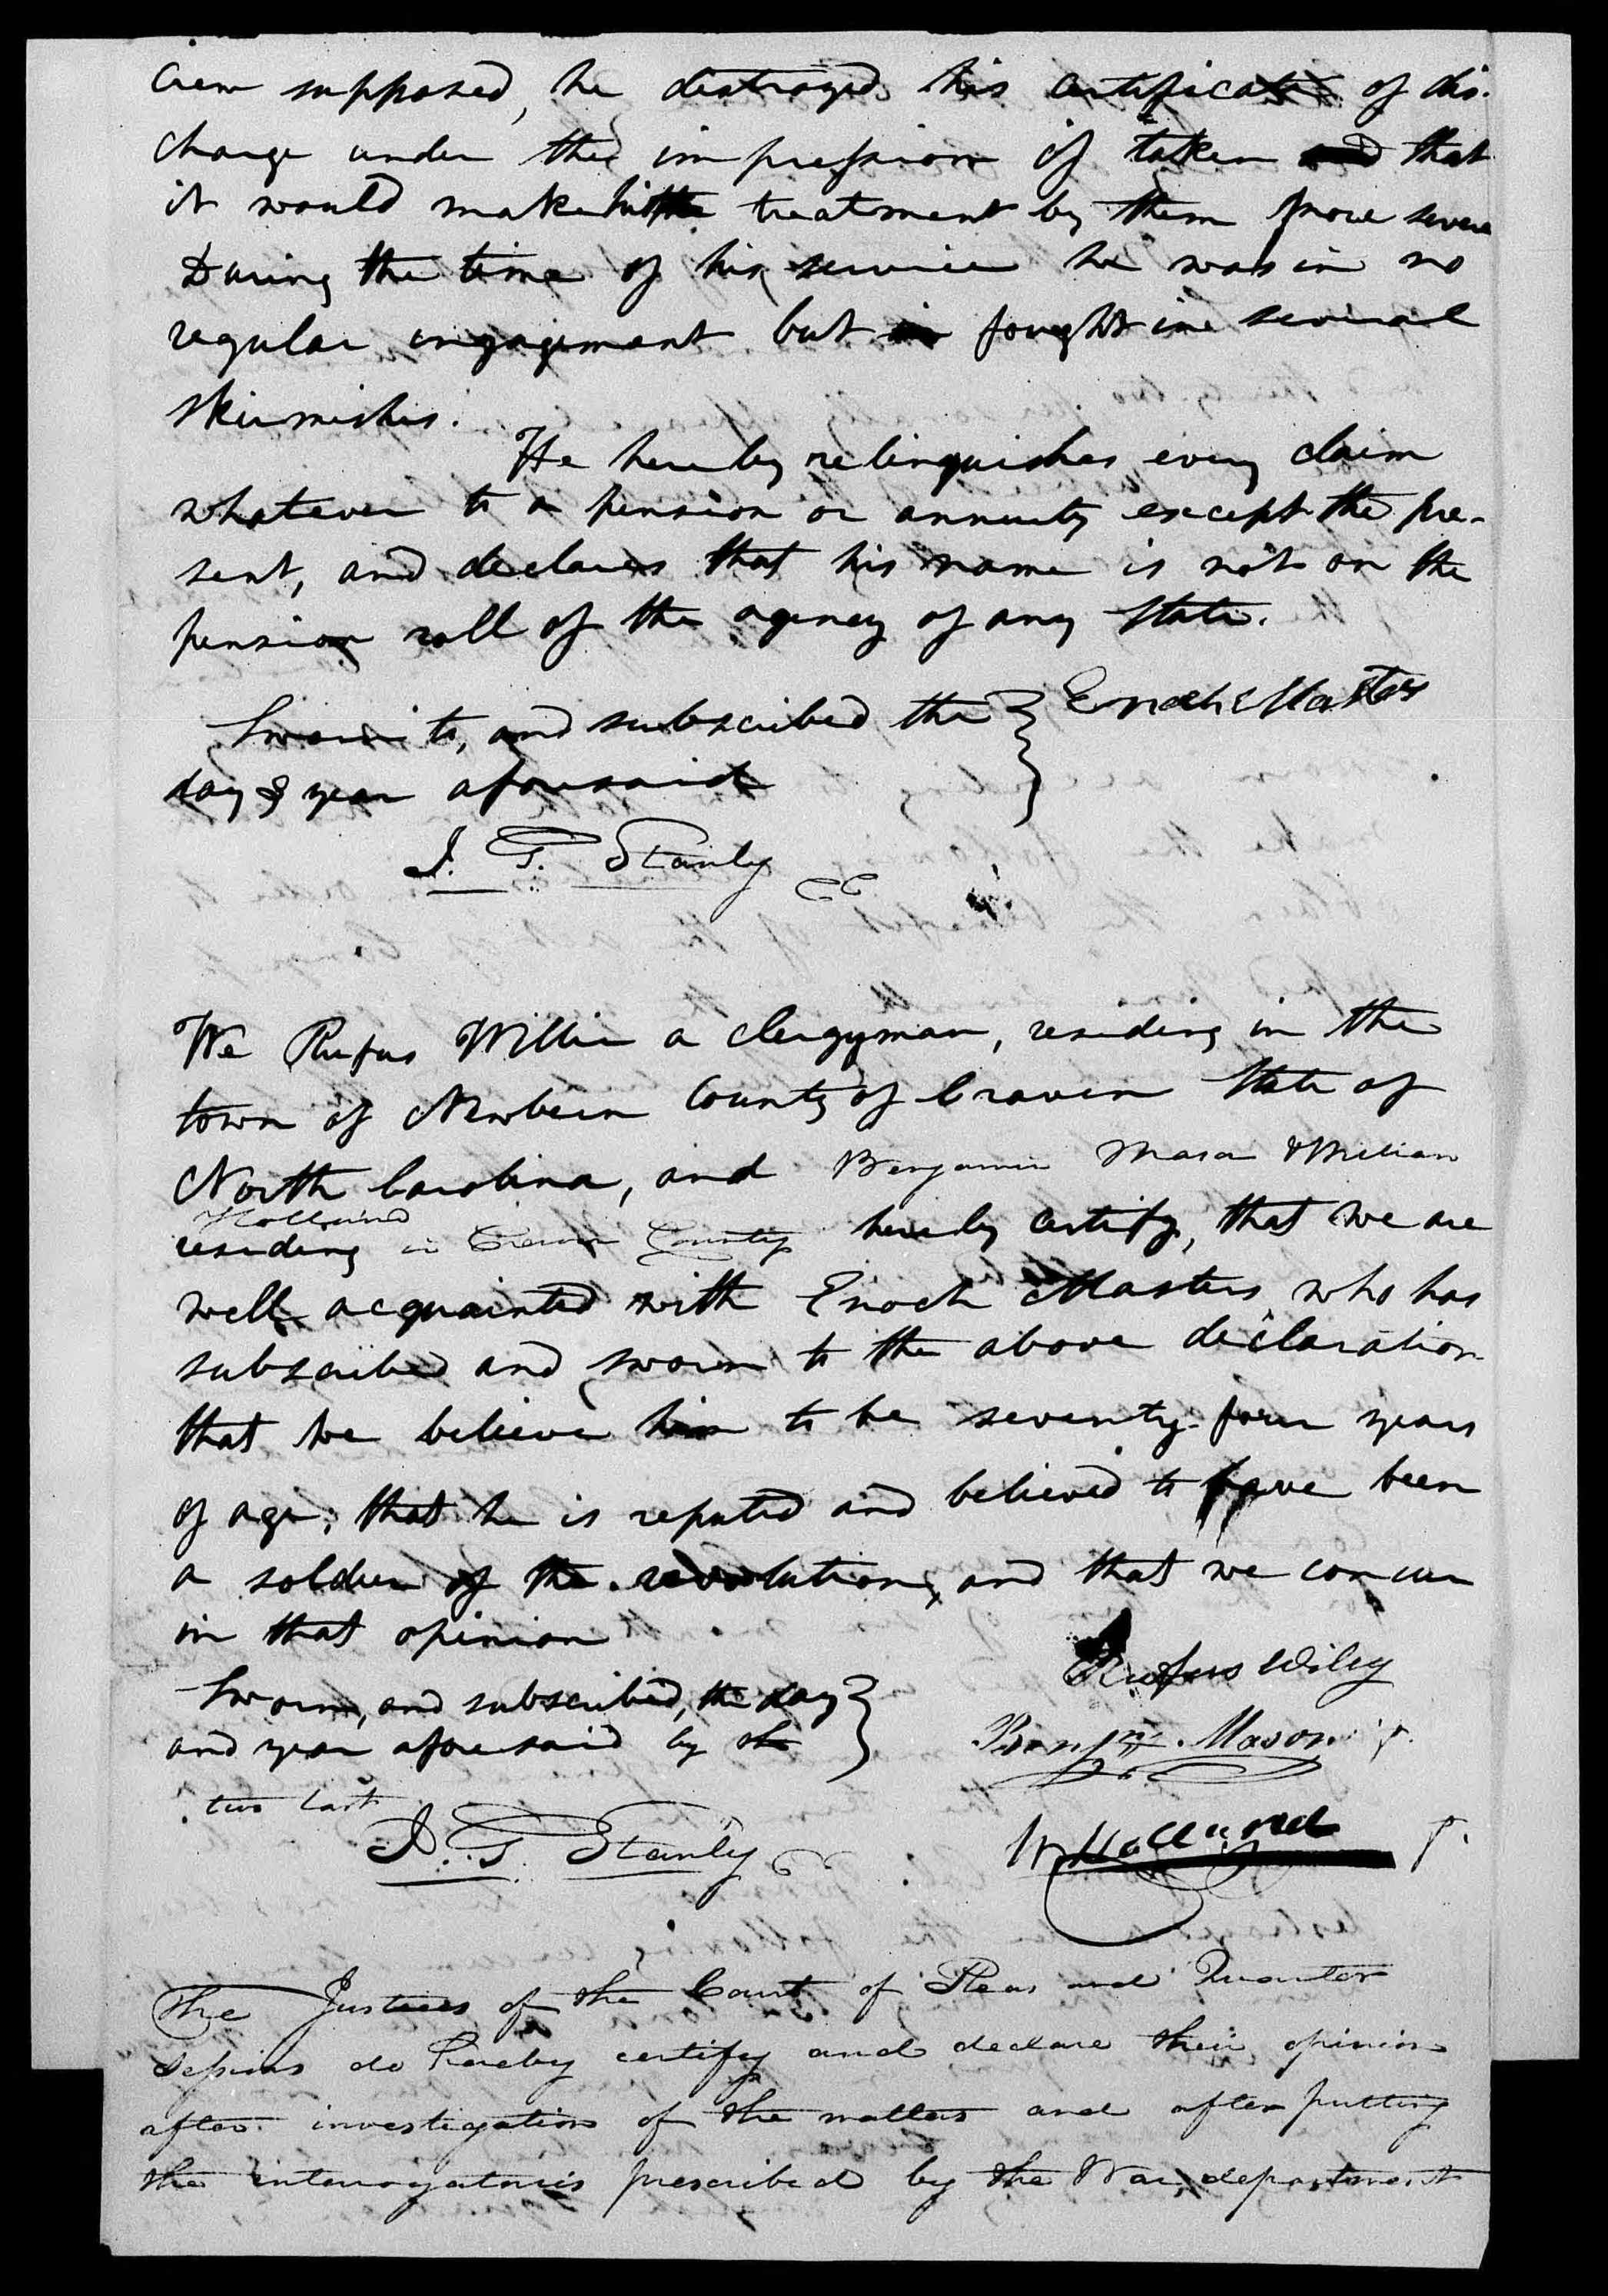[illegible] supposed he destroyed his certificate 
of discharge under the impression of taken that
it would make [illegible] [illegible] 
During the time of his service he was in no
regular engagement but fought in several skirmishes.

He hereby relinquishes every claim whatever to a pension or annuity except the present, and declares that his name is not on the pension roll of the agency of any State.

Sworn to and and subscribe the day & year aforesaid
J. G. Stanly


We Rufus Miller a clergyman, residing in the town of Newbern County of Craven State of
North Carolina, and Benjamin Mason & William Holland residing in Craven County hereby certify that we are well acquainted with Enoch Masters who has subscribed and sworn to the above declaration that we believe him to be seventy four years of age, that he is reputed and believed to have been a soldier of the revolution and that we concur in that opinion

Sworn and subscribed the day and year aforesaid by [illegible]
two [illegible]
J G Stanly

Rufus Wiley
Benjamin Mason
W Holland

The Justices of the Court of Pleas and Quarter Sessions do hearby certify and declare their opinion after investigations of the matter and after putting the interrogatories prescribed by the War department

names: Rufus Wiley; J G Stanly; William Holland; Enoch Masters; Benjamin Mason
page: 7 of 15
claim: survivor's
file: S. 2749, for Enoch Masters, North Carolina